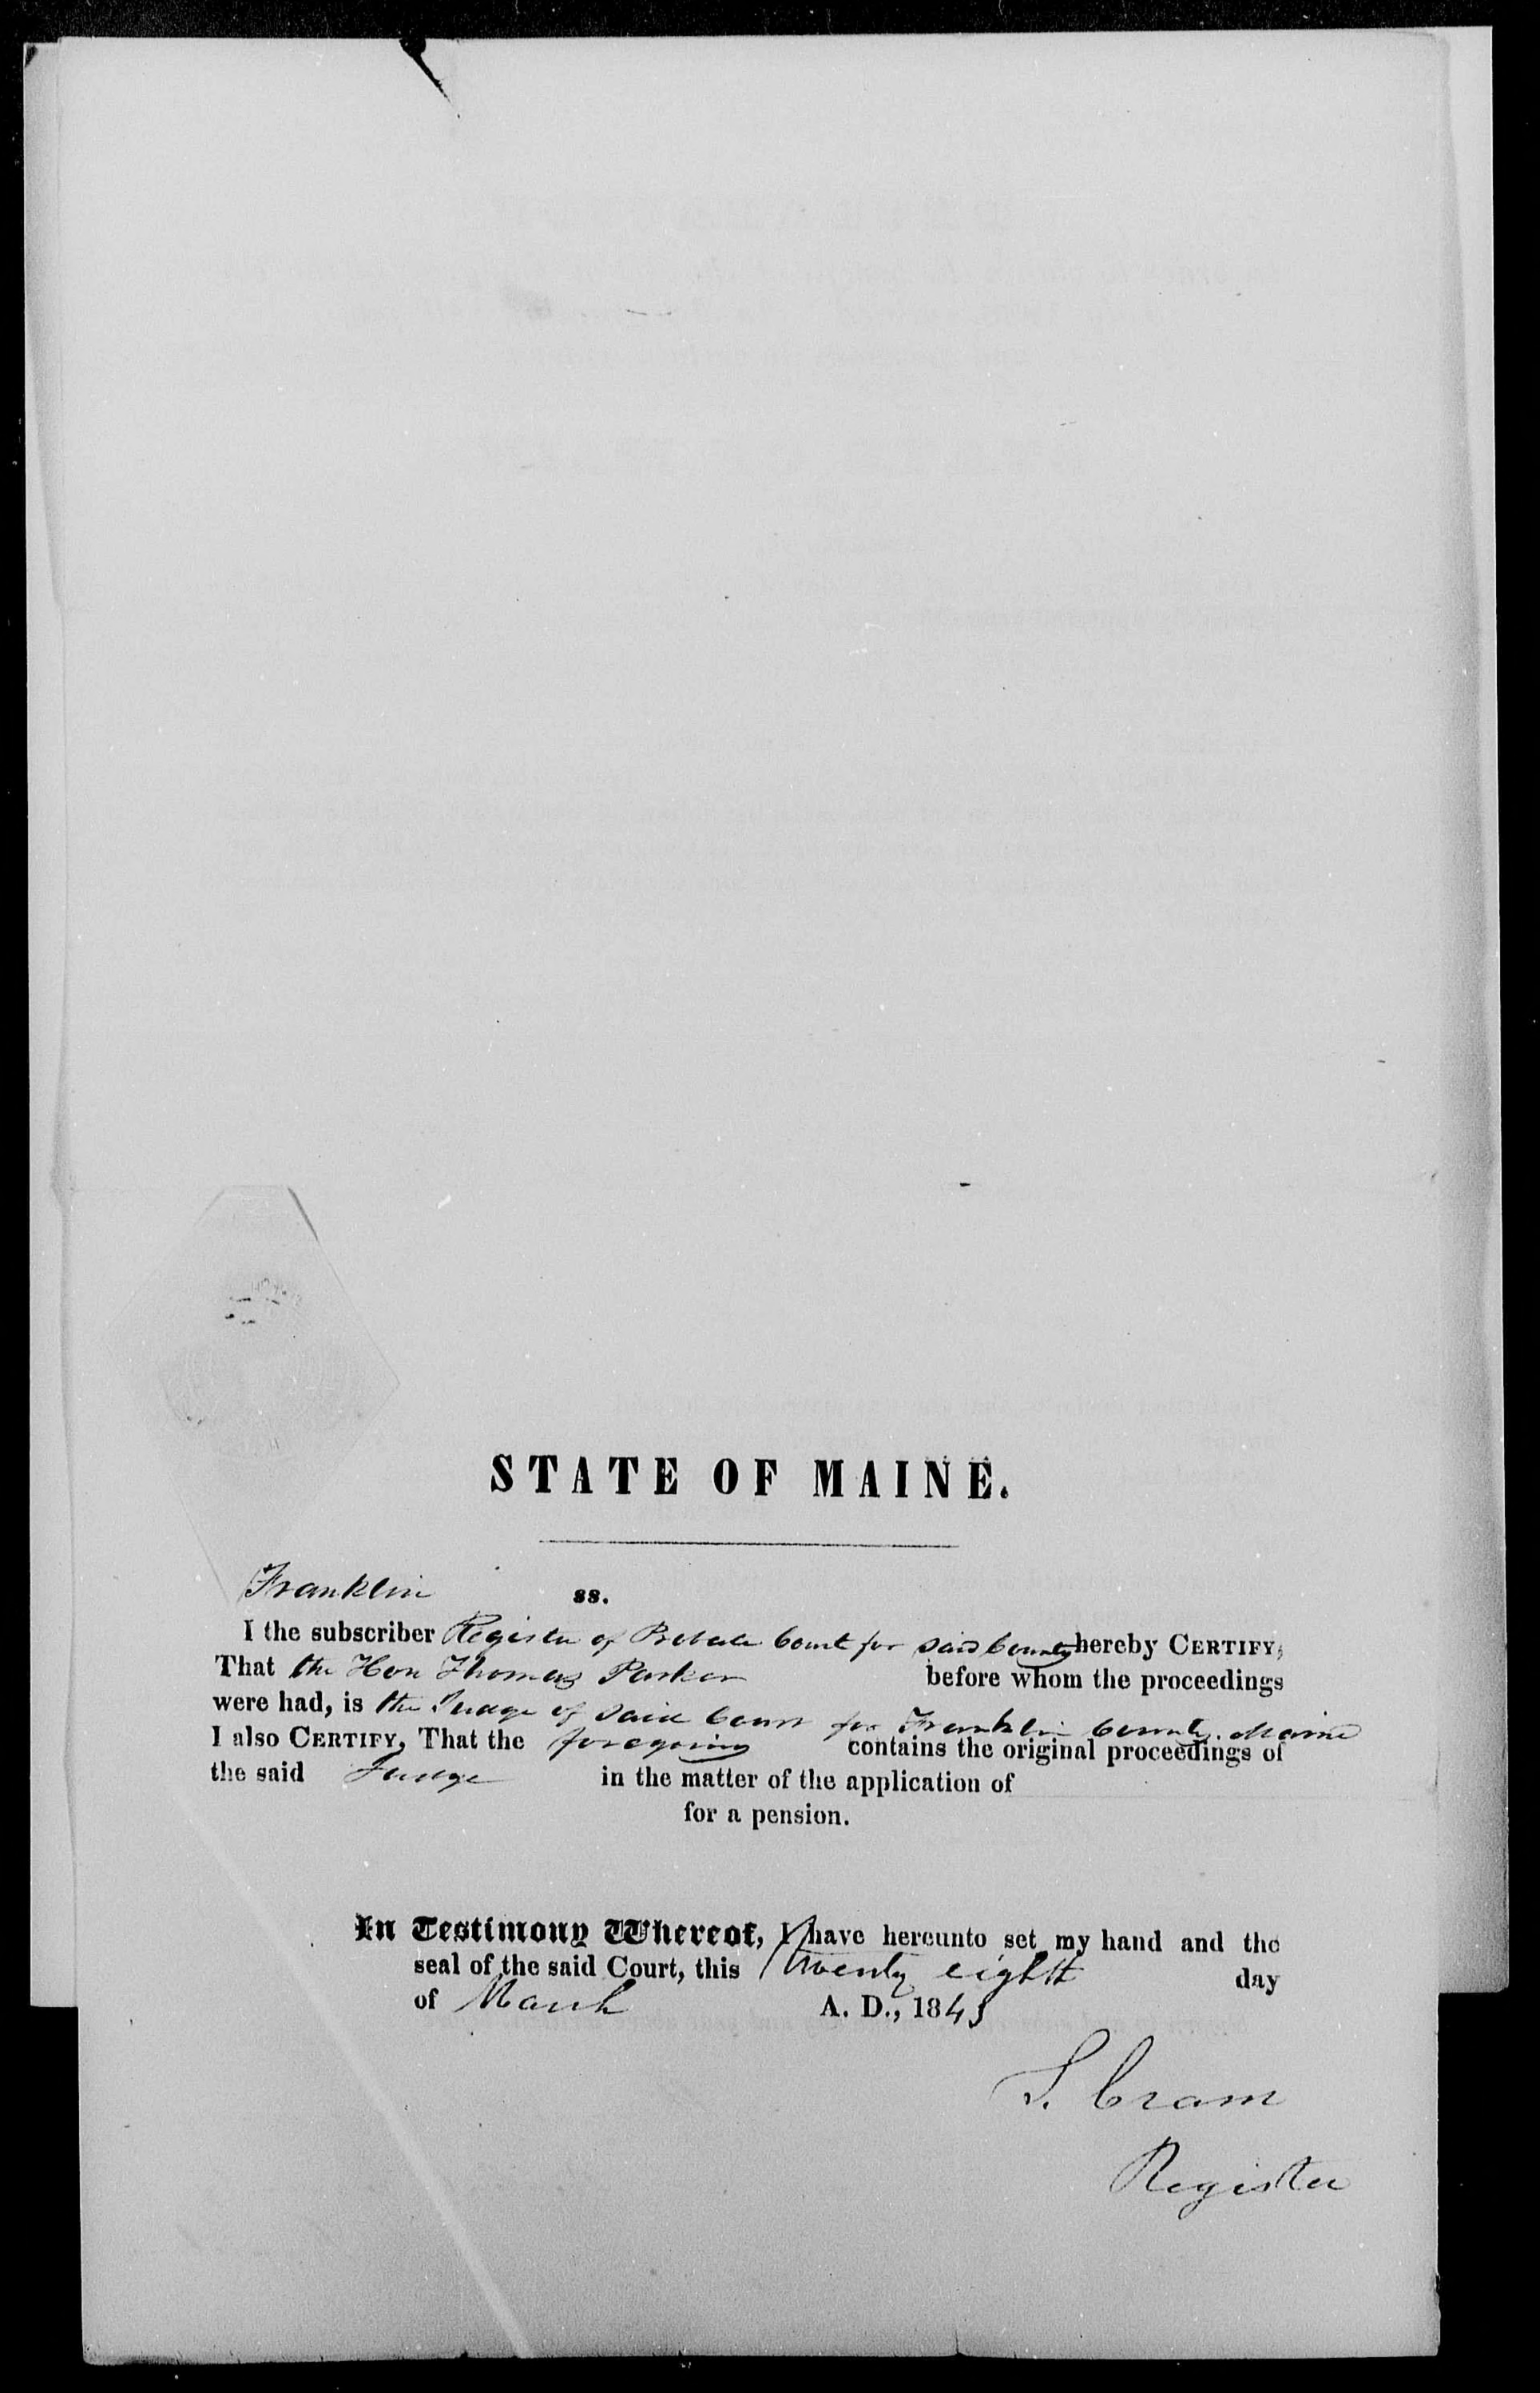STATE OF MAINE

Franklin ss.
I the subscriber Register of Probate Court for said County hereby CERTIFY,
That the Hon Thomas Parker before whom the proceedings
were had, is the Judge of said court for Franklin County, Maine
I also CERTIFY, That the foregoing contains the original proceedings of
the said Judge in the matter of the application of
for a pension.

IN TESTIMONY WHEREOF, I have hereunto set my hand and the
seal of the said Court, this Twenty eighth day
of March A. D., 1843
S. Cram
Register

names: Thomas Parker, S Cram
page: 30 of 39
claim: widow's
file: W. 23,621, Increase Blethen, Mass.